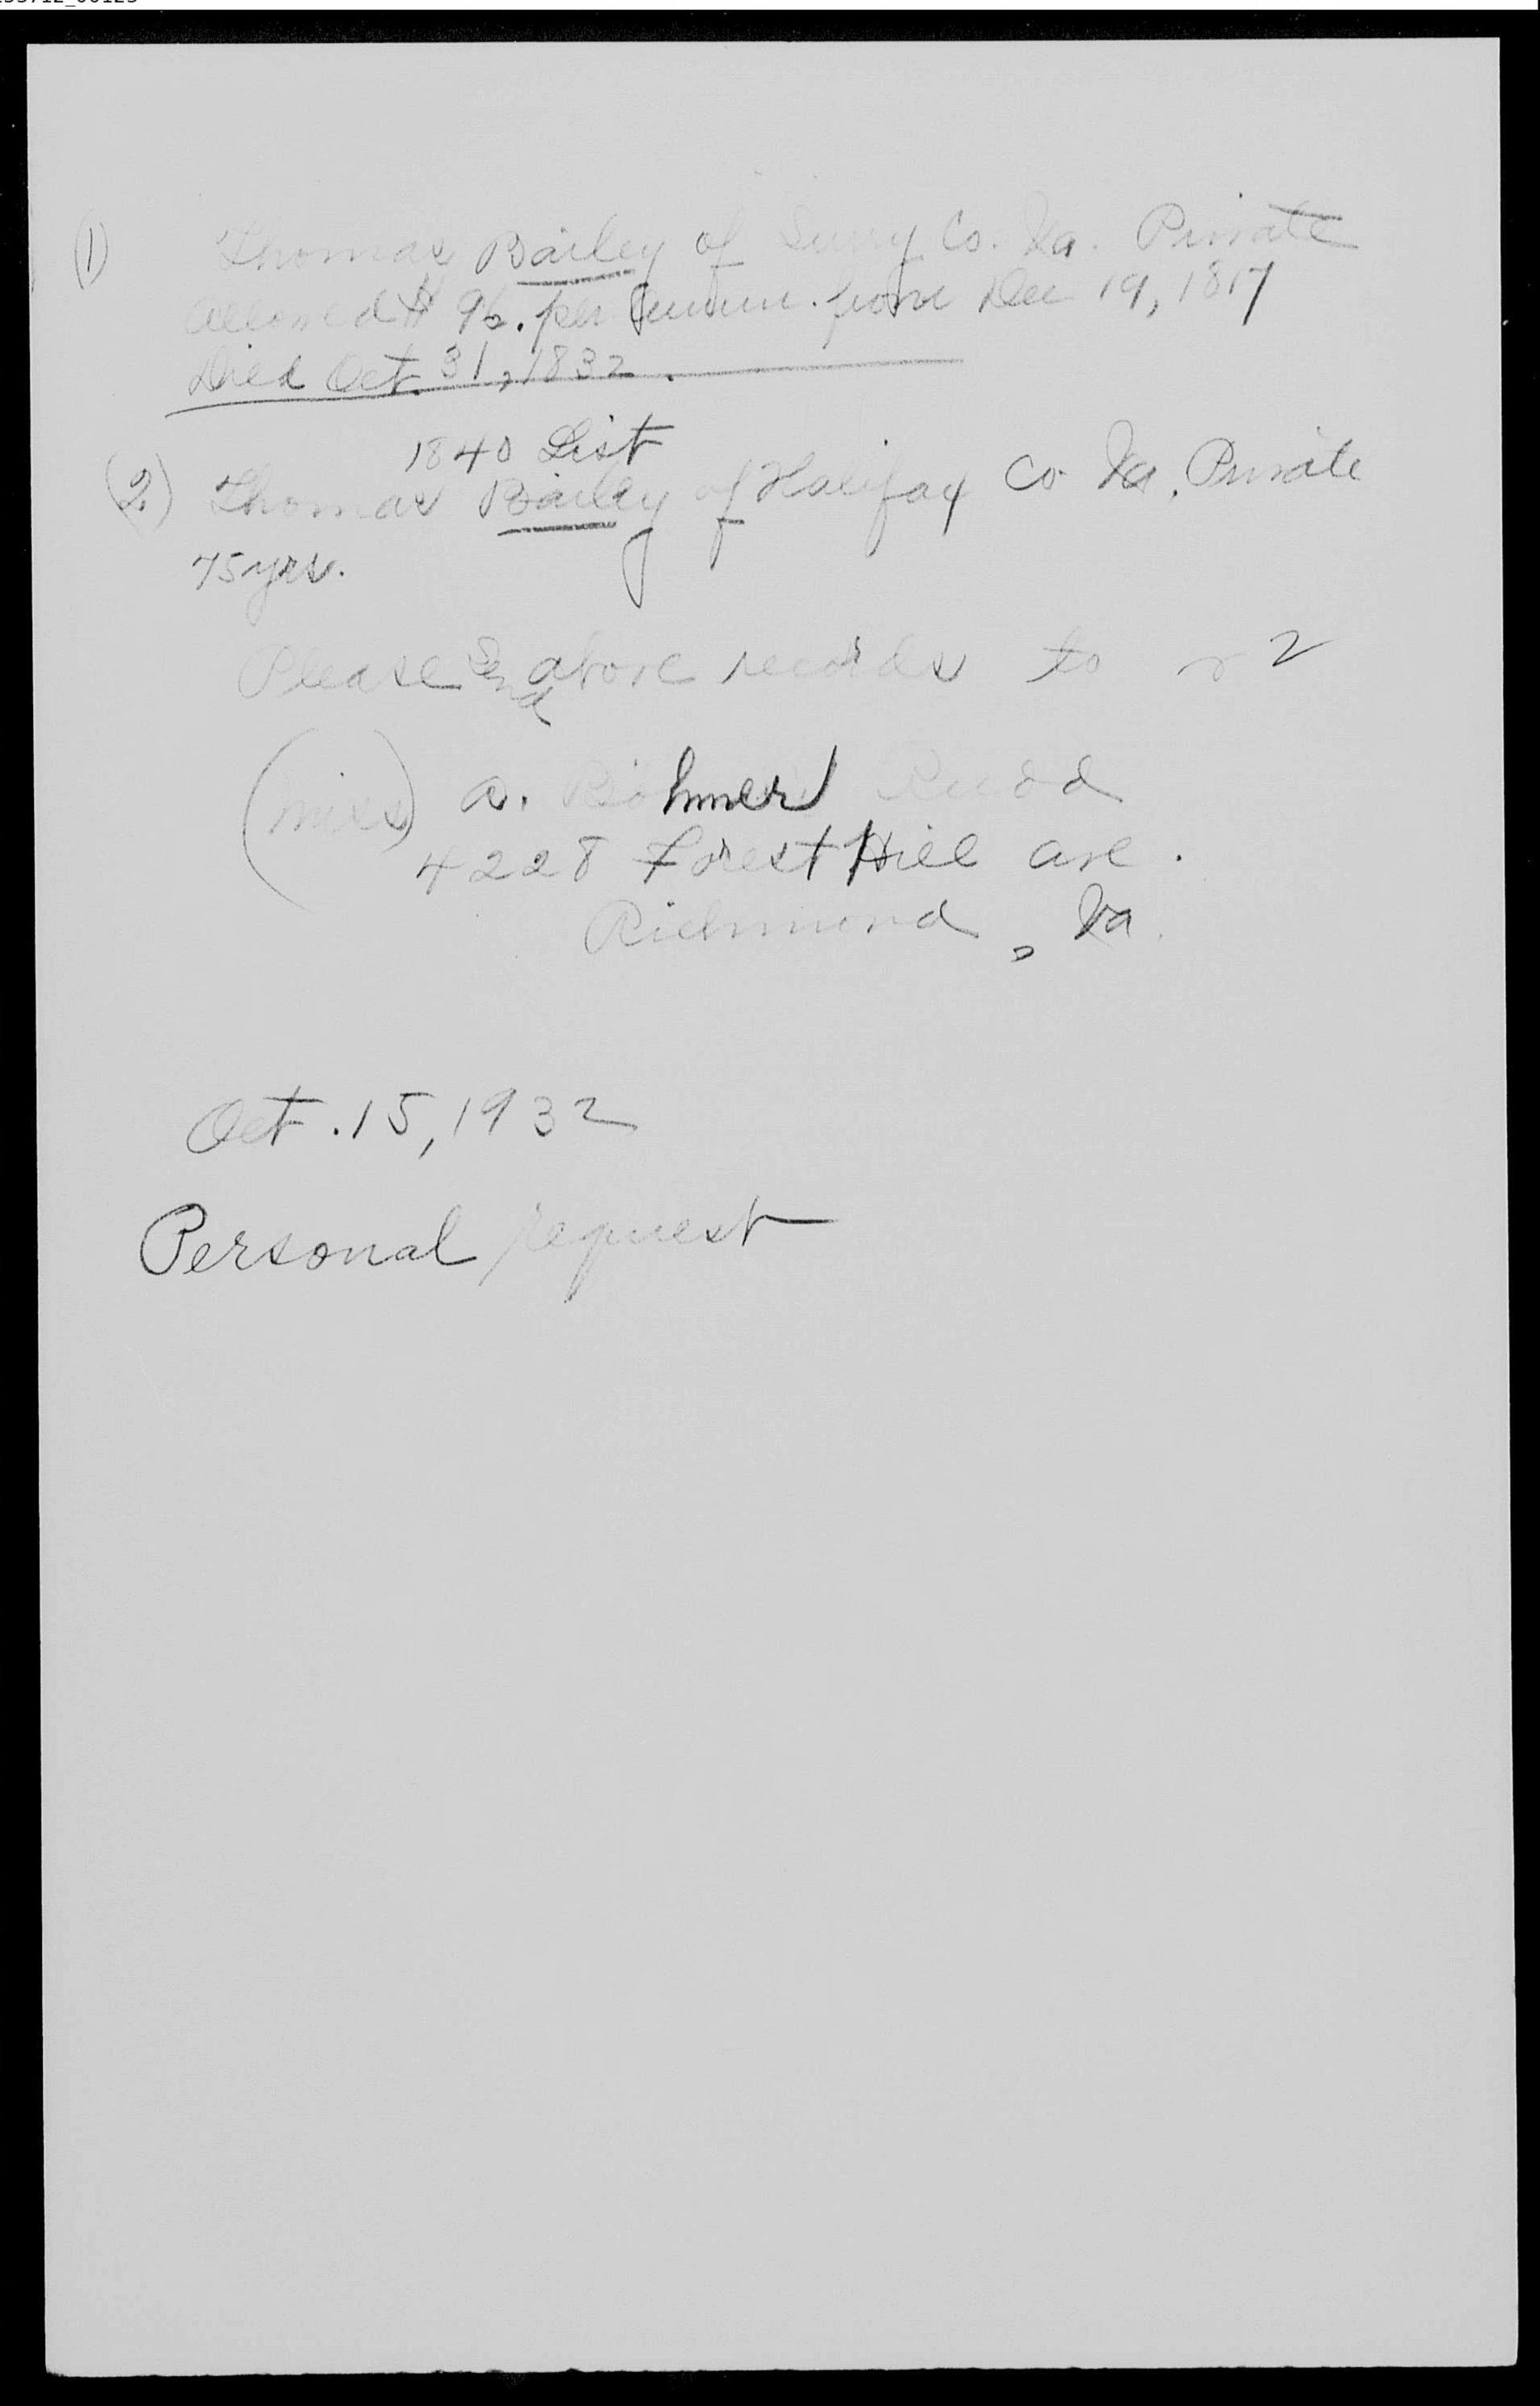1. Thomas Bailey of Surry Co. Va. Private
allowed $96. per annum from Dec 19, 1817
Died Oct 31, 1832.
1840 List
2.  Thomas Bailey of Fairfax Co. Va. Private
75 years.

Please send above records to 
(Miss) A. Bohmer Rudd
4228 Forest Hill Ave.
Richmond, Va.

Oct. 15, 1932
Personal request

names: Thomas Bailey, Thomas Bailey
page: 15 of 18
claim: survivor's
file: S. 6578, Thomas Bailey, Va.